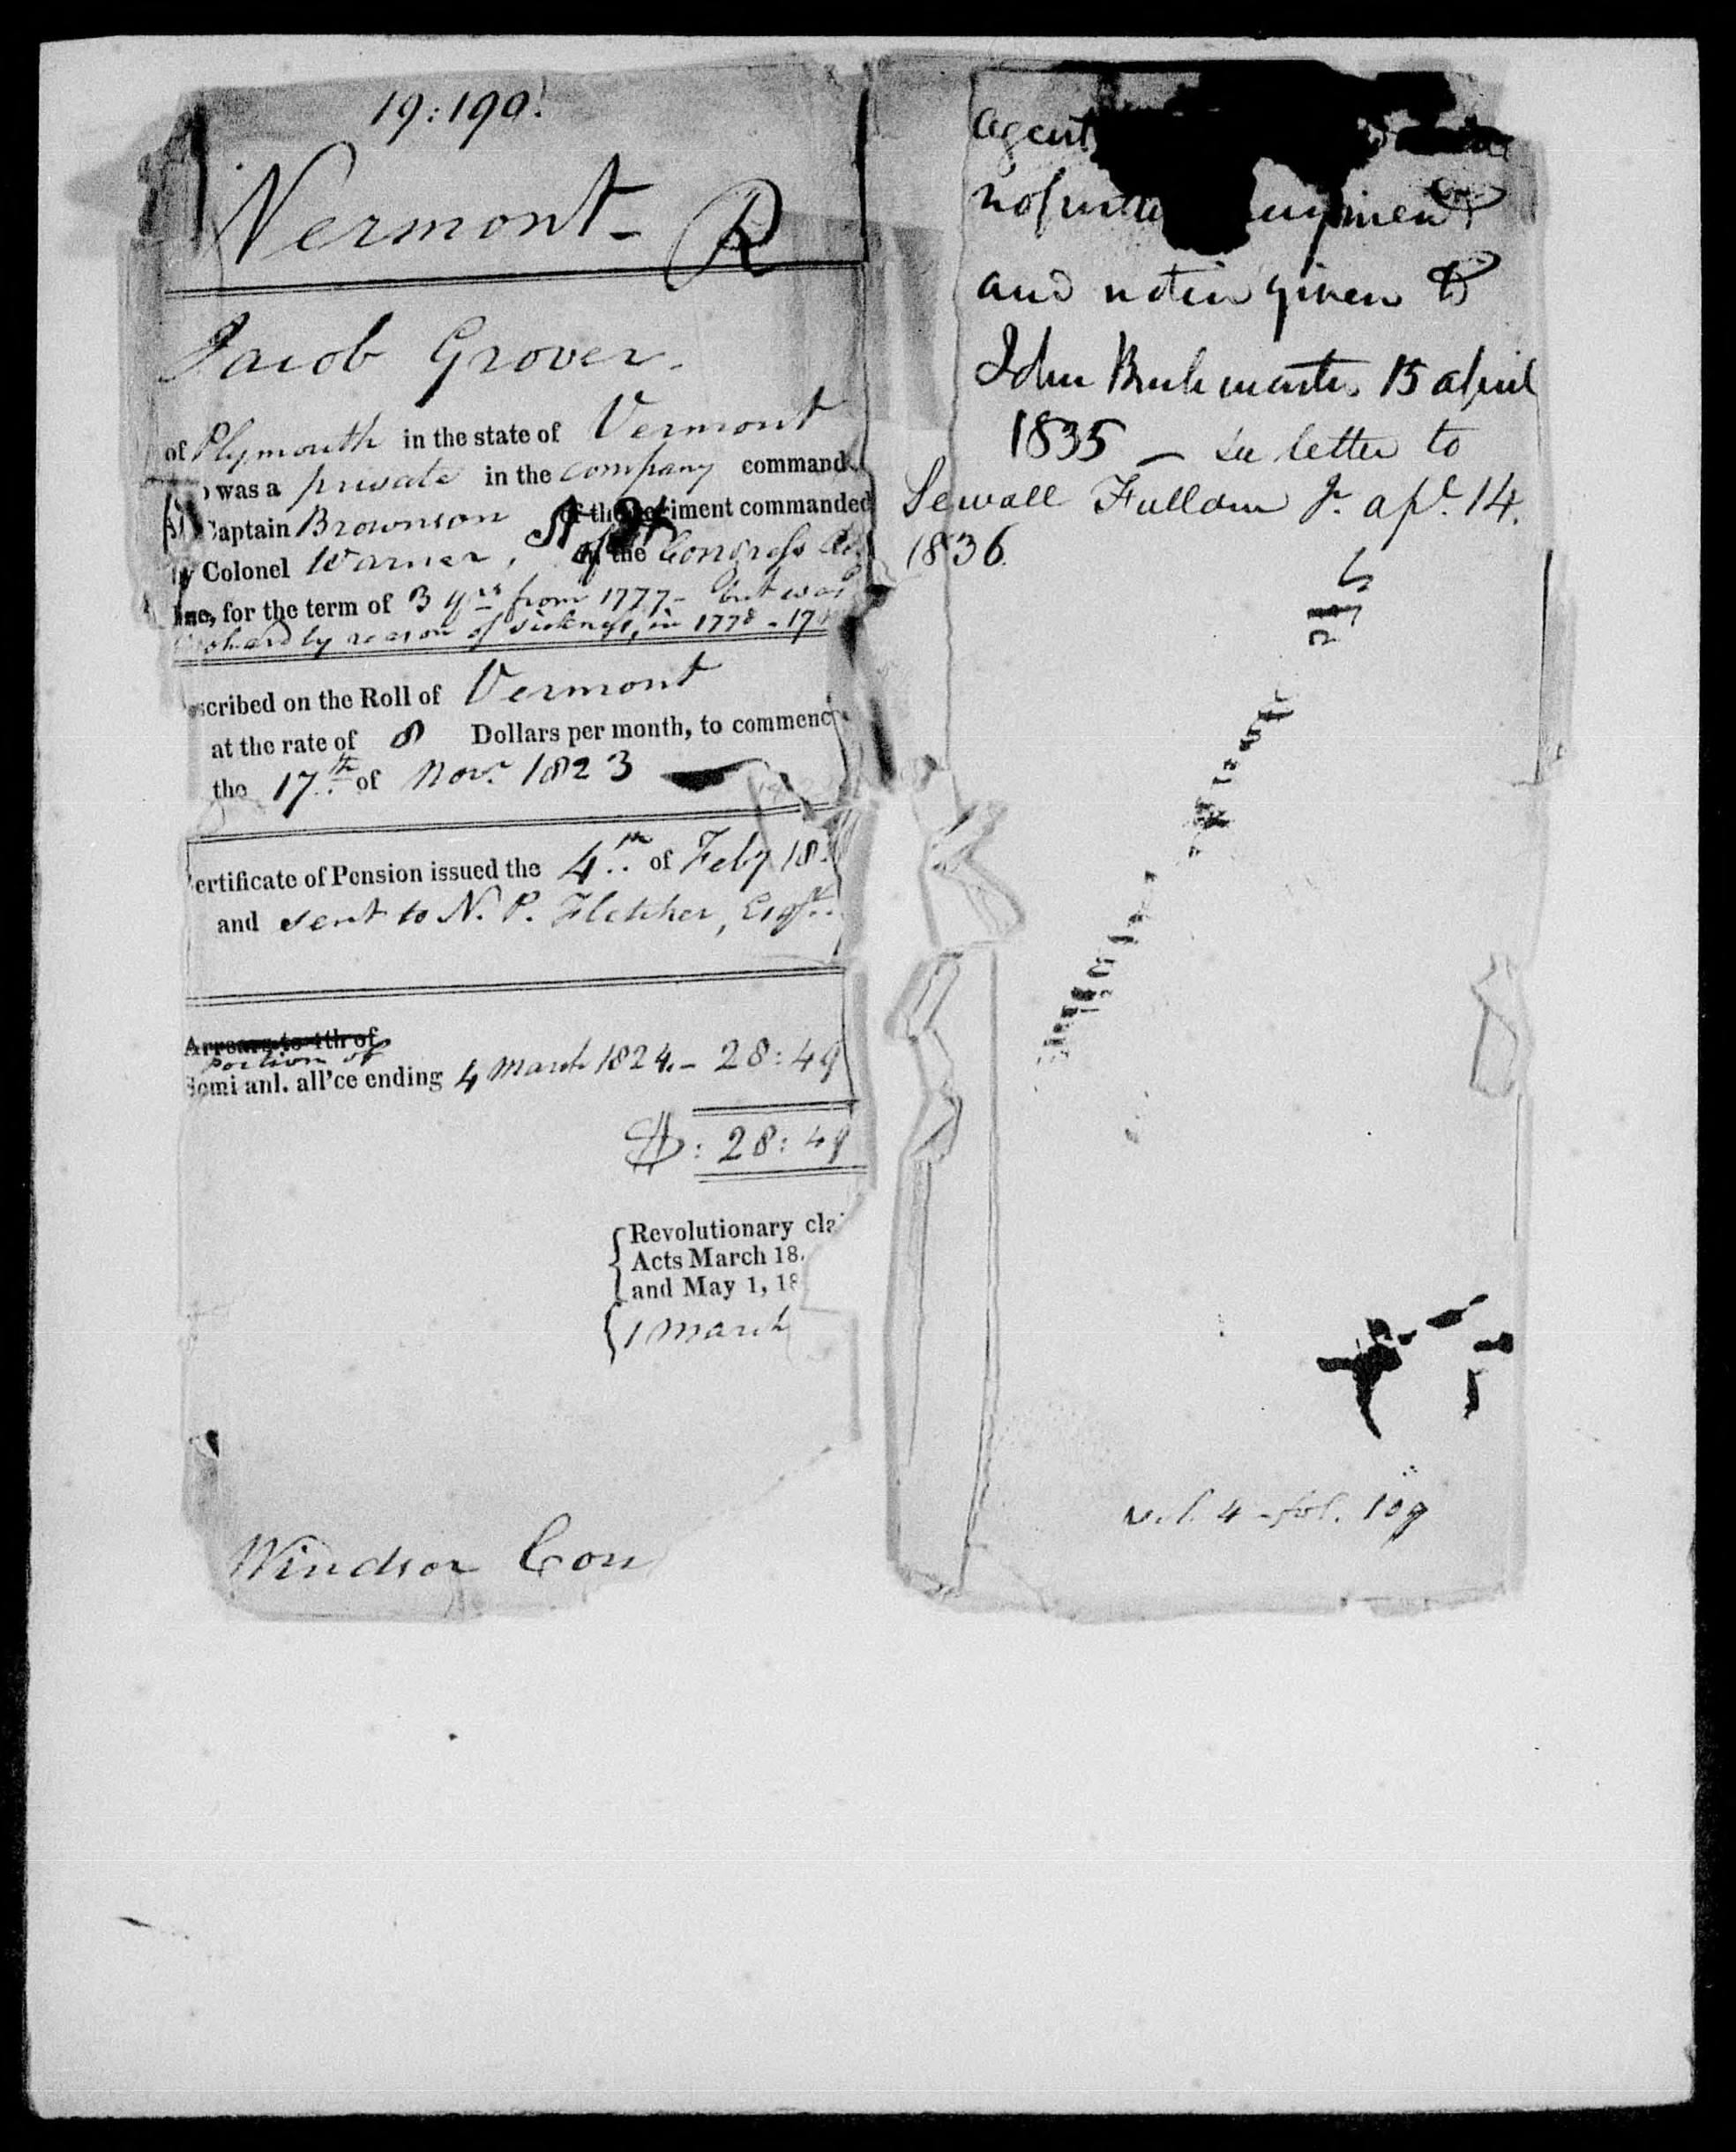19:190
Vermont - R

Jacob Grover of Plymouth in the State of Vermont was a private in the company command by Captain Brownson (unreadable) commanded by Colonel Warner, of the Congress Reg. for the term of 3 yrs from 1777 - but was discharged by account of sickness, in 1778-17(?)
Described on the Roll of Vermont at the rate of 8 Dollars per month, to commence the 17th of Nov. 1823
Certificate of Pension issued the 4th of Feby 18(?)
and sent to N.P. Fletcher, Eigt(?)

Portion of Semi anl. all'ce ending 4 March 1824 - 28:49
$28.49

Revolutionary claims
Acts March 18, (paper missing)
and May 1, 18(paper missing)
1 March
Windsor Cou(paper missing)

(the following has a huge ink splotch on it)
Agen...
not until (ink splotch) uipment
and notice given 
(?) Buckmaster , 15 April 1835 - See letter to Sewall Fullam Jr. April 14, 1836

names: Brownson, N P Fletcher, Jacob Grover, Warner, Sewall Fullam, John Buchmaster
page: 2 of 22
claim: survivor's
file: S. 38777, Jacob Grover, Continental (Vt.)